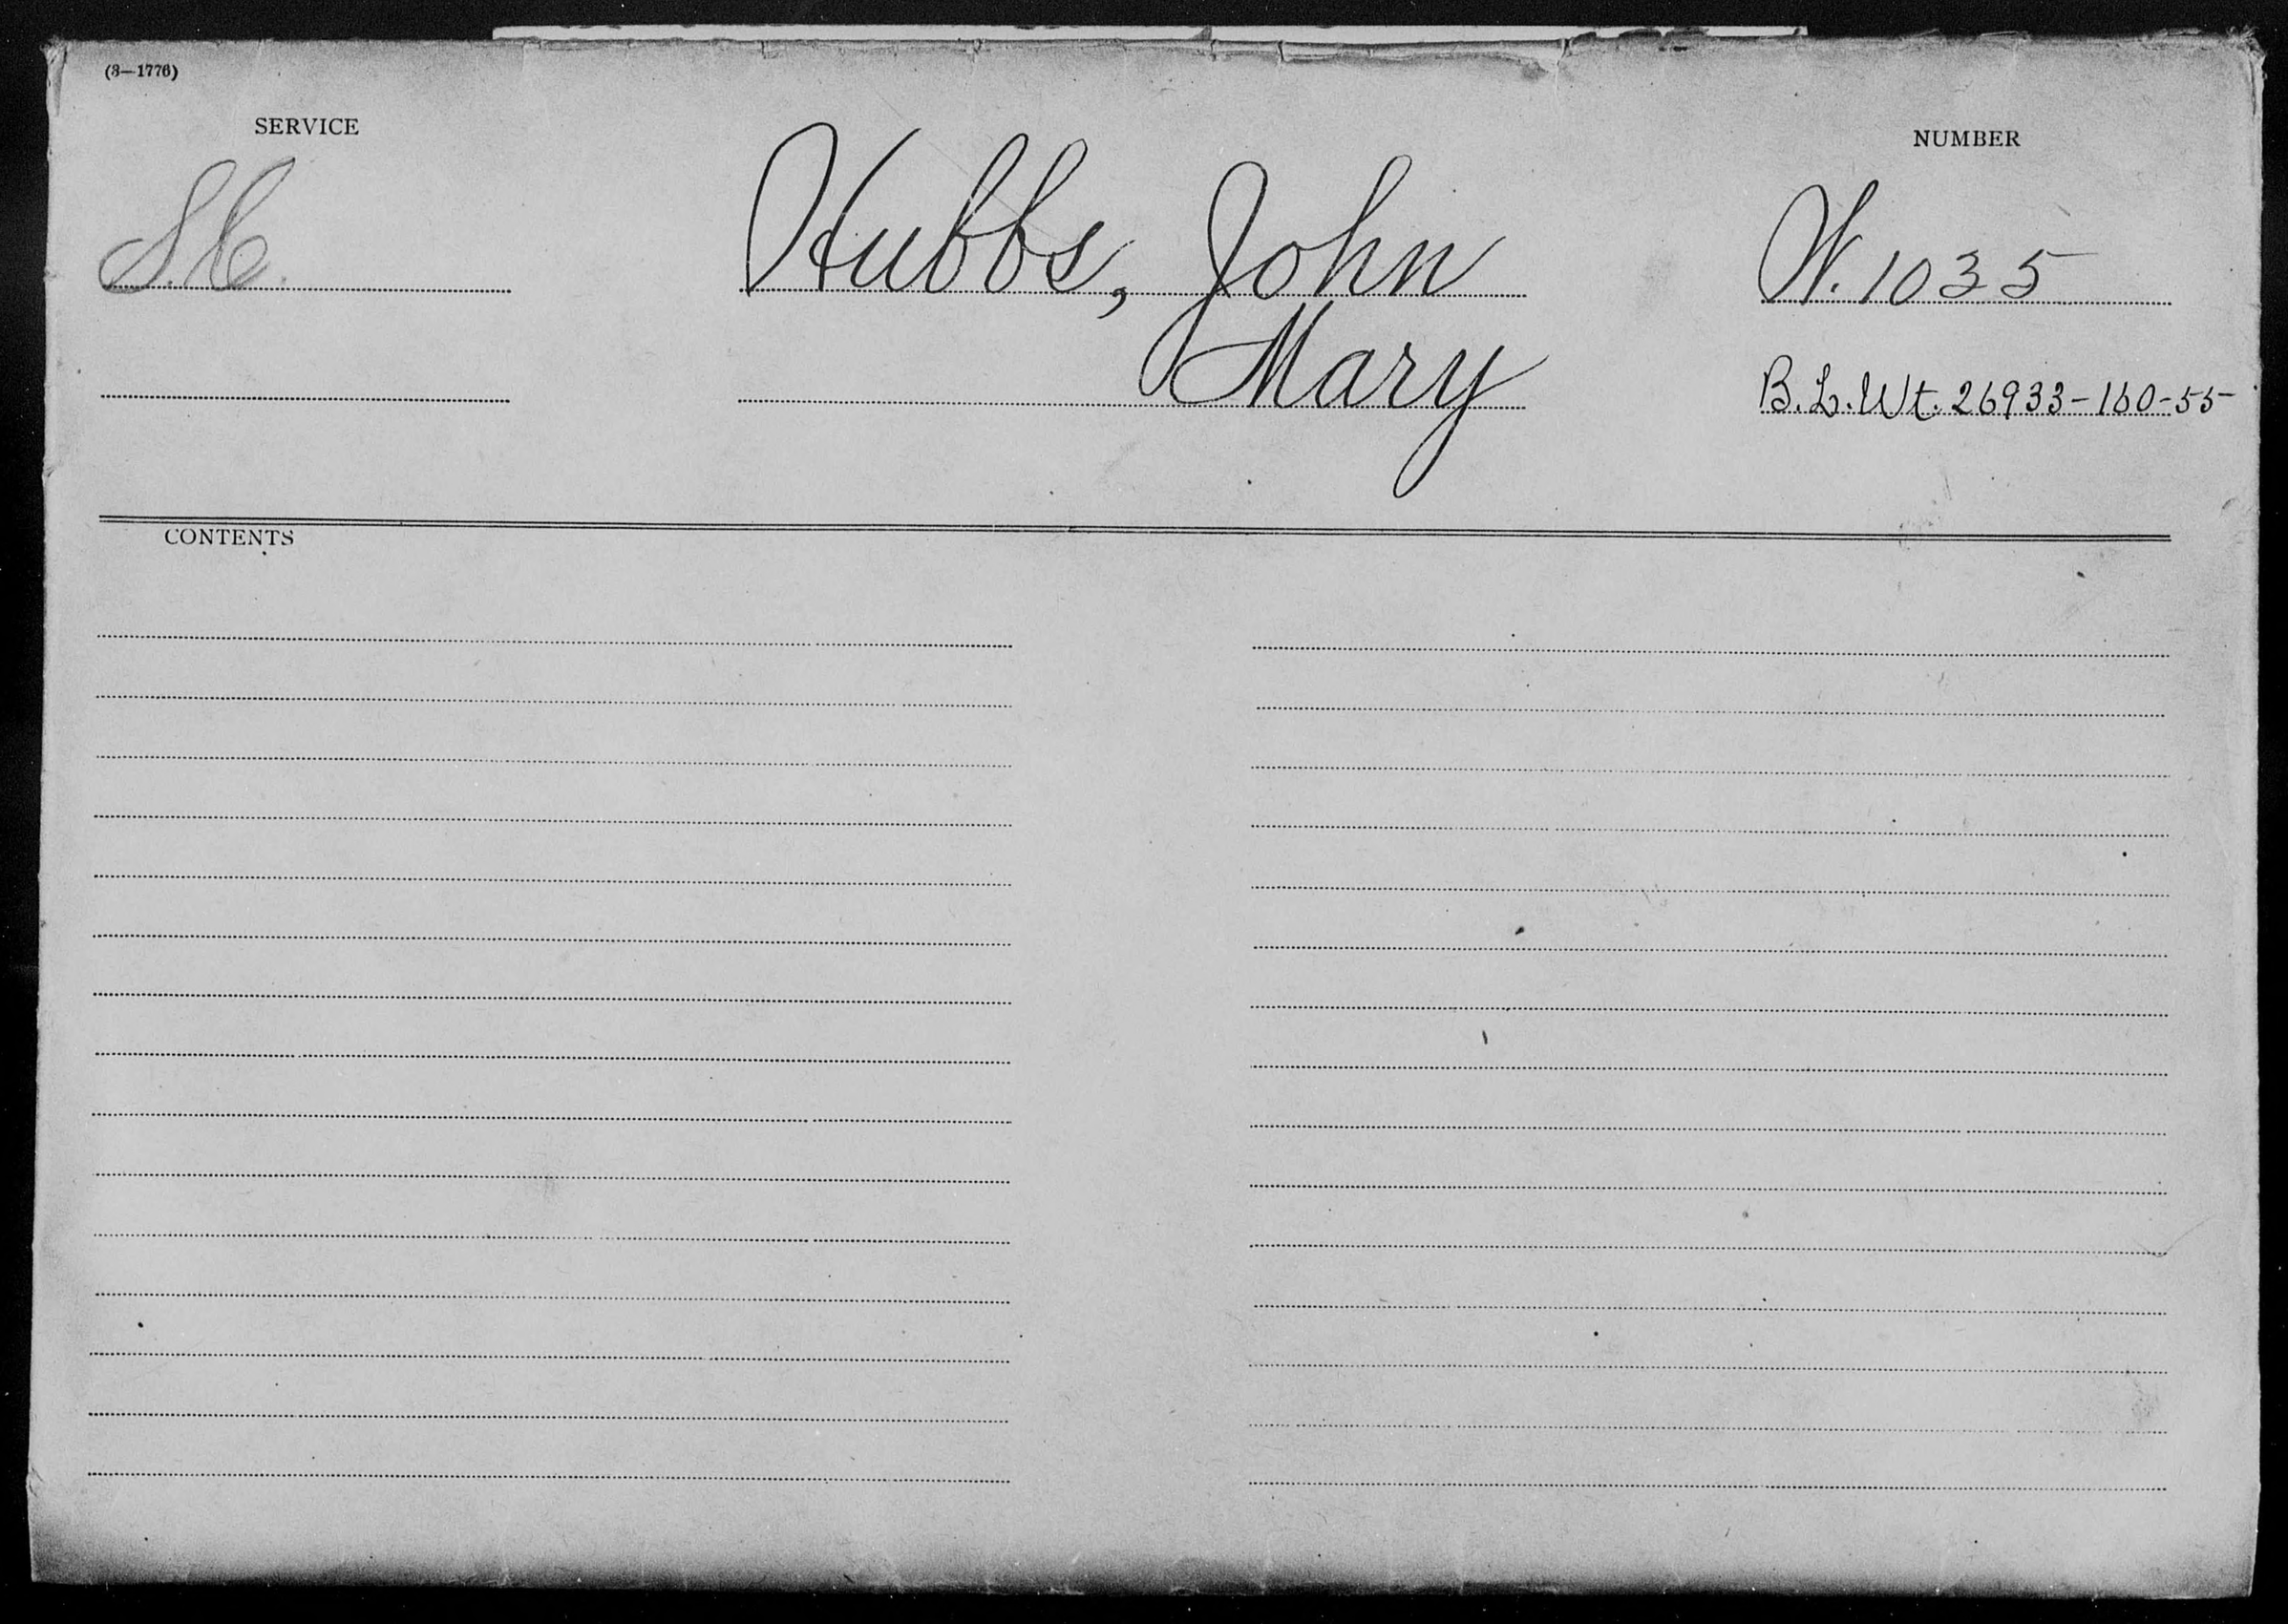( 3- 1776 ) SERVICE S.C. Hubbs, John Mary  NUMBER W. 1035 B.L. Wt. 26933-160-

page: 1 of 86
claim: widow's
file: W. 1035, John Hubbs, S.C.